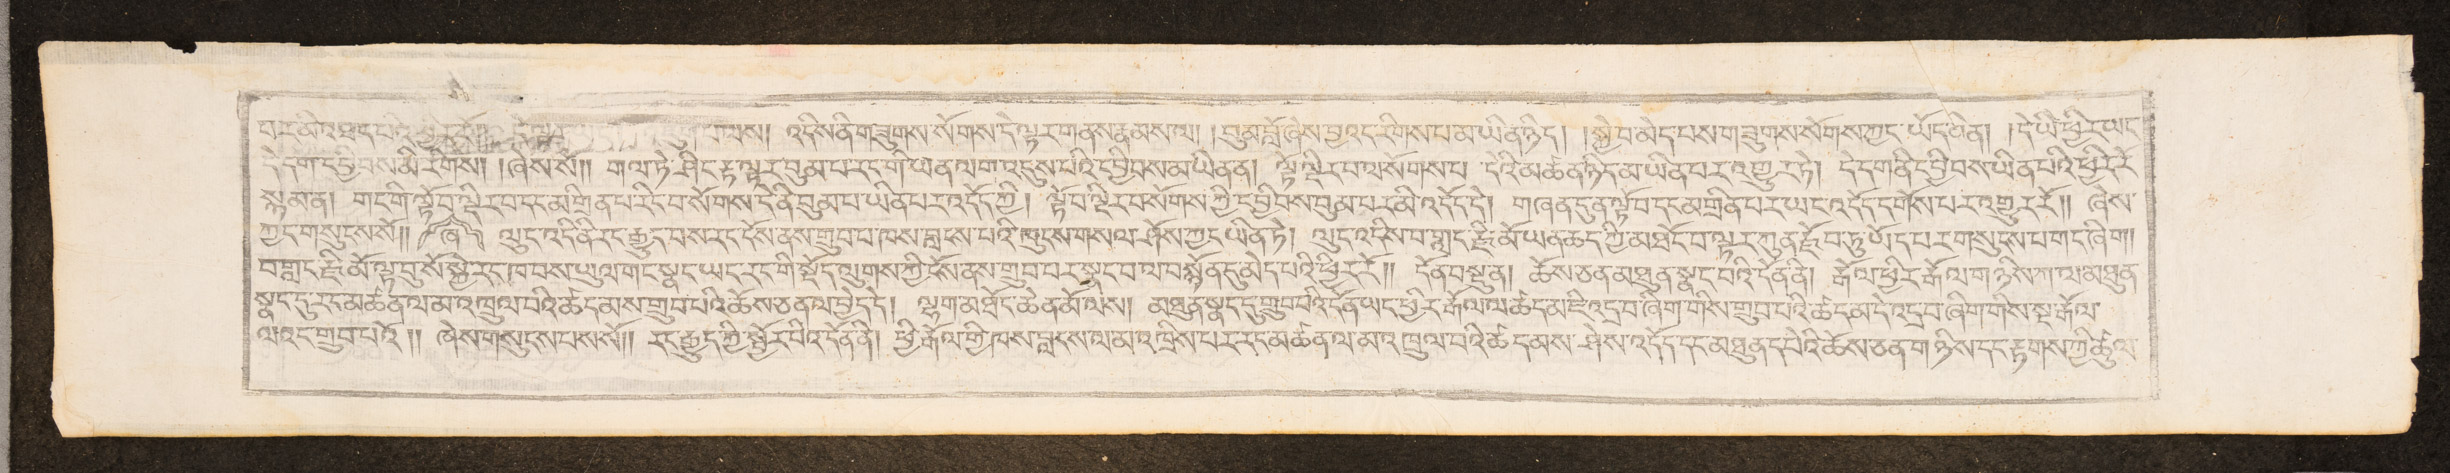པར་མི་འཐད་པའི་ཕྱིར་རོ།། དེ་ལྟར་ཡང་། འཇུག་པ་ལས། འདིས་ནི་གཟུགས་སོགས་དེ་ལྟར་གནས་རྣམས་ལ། །བུམ་བློ་ཞེས་བྱའང་རིགས་པ་མ་ཡིན་ཉིད། །སྐྱེ་བ་མེད་པས་གཟུགས་སོགས་ཀྱང་ཡོད་མིན། །དེ་ཡི་ཕྱིར་ཡང་
དེ་དག་དབྱིབས་མི་རིགས། །ཞེས་སོ།། གལ་ཏེ་ཤིང་རྟ་ལྟར་བུམ་པ་རང་གི་ཡན་ལག་འདུས་པའི་དབྱིབས་མ་ཡིན་ན། ལྟོ་ལྡིར་བ་ལ་སོགས་པ་དེའི་མཚན་ཉིད་མ་ཡིན་པར་འགྱུར་ཏེ། དེ་དག་ནི་དབྱིབས་ཡིན་པའི་ཕྱིར་རོ་
སྙམ་ན། གང་གི་ལྟོ་བ་ལྡིར་བ་དང་མགྲིན་པ་རིང་བ་སོགས་དེ་ནི་བུམ་པ་ཡིན་པར་འདོད་ཀྱི། ལྟོ་བ་ལྡིར་བ་སོགས་ཀྱི་དབྱིབས་བུམ་པར་མི་འདོད་དེ། གཞན་དུ་ན་ལྟོ་བ་དང་མགྲིན་པར་ཡང་འདོད་དགོས་པར་འགྱུར་རོ།། ཞེས་
ཀྱང་གསུངས་སོ།། ༼༽ཞ༼༽ ལུང་འདི་ནི་རང་རྒྱུད་པས་རང་དོས་ནས་གྲུབ་པ་ཁས་བླངས་པའི་ཁུངས་གསལ་ཤོས་ཀྱང་ཡིན་ཏེ། ལུང་འདིས་བ་གླང་རྫི་མོ་ཡན་ཆད་ཀྱི་མཐོང་བ་ལྟར་ཀུན་རྫོབ་ཏུ་ཡོད་པར་གསུངས་པ་གང་ཞིག།
བ་གླང་རྫི་མོ་ལྟ་བུ་སོ་སྐྱེ་རང་ཁ་བས་ཡུལ་གང་སྣང་ཡང་རང་གི་སྡོད་ལུགས་ཀྱི་ངོས་ནས་གྲུབ་པར་སྣང་བ་ལ་སྙོན་དུ་མེད་པའི་ཕྱིར་རོ།། དོན་བསྡུ་ན། ཆོས་ཅན་མཐུན་སྣང་བའི་དོན་ནི། རྒོལ་ཕྱིར་རྒོལ་གཉིས་ཀ་ལ་མཐུན་
སྣང་དུ་རང་མཚན་ལ་མ་འཁྲུལ་བའི་ཚད་མས་གྲུབ་པའི་ཆོས་ཅན་ལ་བྱེད་དེ། ལྷག་མཐོང་ཆེན་མོ་ལས། མཐུན་སྣང་དུ་གྲུབ་པའི་དོན་ཡང་ཕྱིར་རྒོལ་ལ་ཚད་མ་ཇི་འདྲ་བ་ཞིག་གིས་གྲུབ་པའི་ཚད་མ་དེ་འདྲ་བ་ཞིག་གིས་སྔ་རྒོལ་
ལའང་གྲུབ་པའོ།། ཞེས་གསུངས་པས་སོ།། རང་རྒྱུད་ཀྱི་སྦྱོར་བའི་དོན་ནི། ཕྱི་རྒོལ་གྱི་ཁས་བླངས་ལ་མ་འཁྲིས་པར་རང་མཚན་ལ་མ་འཁྲུལ་བའི་ཚད་མས་ཤེས་འདོད་དང་མཐུན་དཔེའི་ཆོས་ཅན་གཉིས་དང་རྟགས་ཀྱི་ཚུལ་